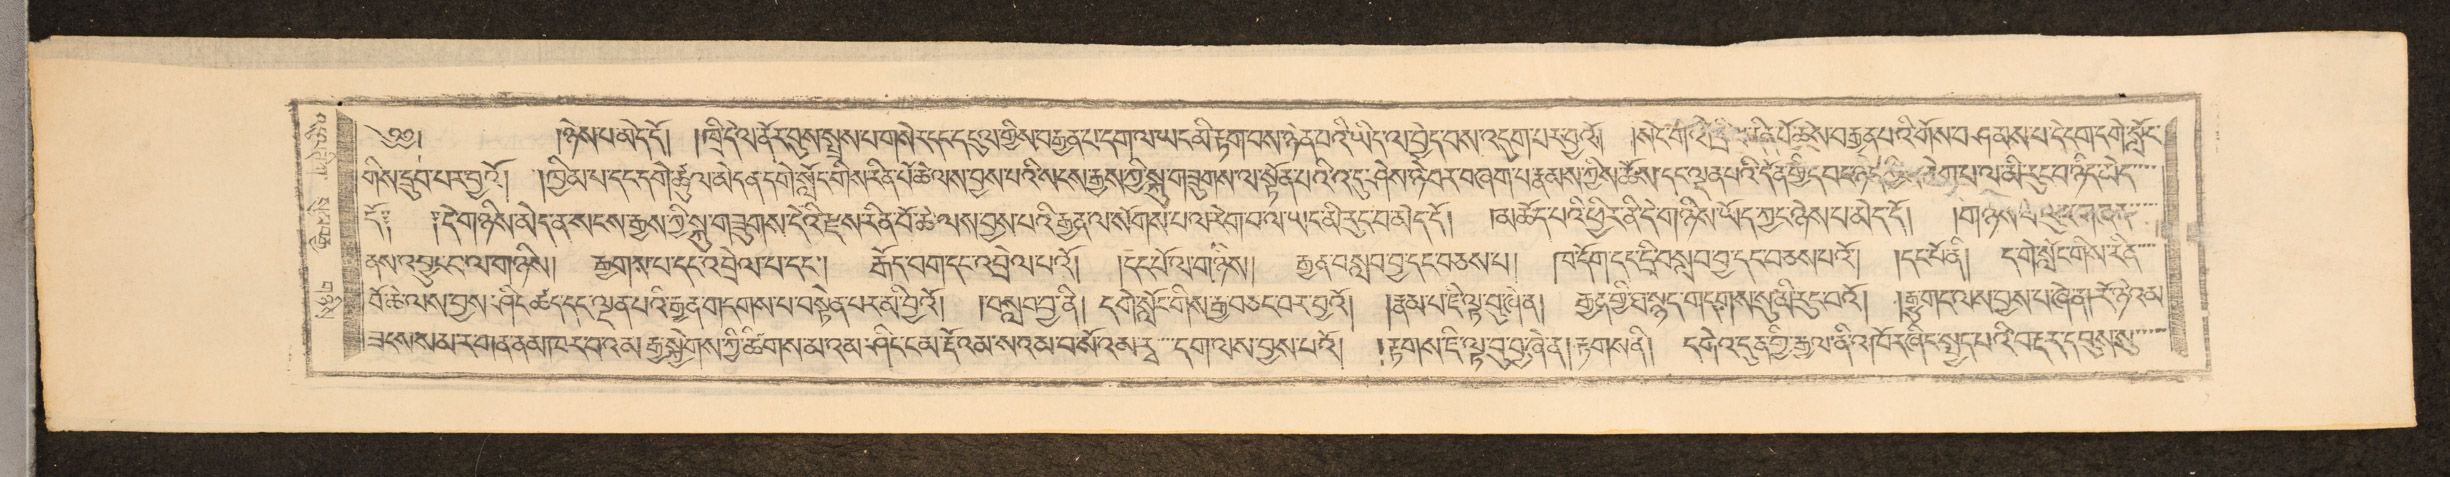༄༅། །ཉེས་པ་མེད་དོ། །ཁྲི་དེ་ལ་ནོར་བུས་སྤྲས་པ་གསེར་དང་དངུལ་གྱིས་བརྒྱན་པ་དག་ལ་ཡང་མི་རྟག་པས་ཉེན་པའི་ཡིད་ལ་བྱེད་པས་འདུག་པར་བྱའོ། །སེང་གེའི་ཁྲི་ལ་རིན་པོ་ཆེས་བརྒྱན་བའི་གོས་བཤམས་པ་དེ་དག་དགེ་སློང་
གིས་དྲུབ་པར་བྱའོ། །ཁྱིམ་པ་དང་དགེ་ཚུལ་མེད་ན་དགེ་སློང་གིས་རིན་པོ་ཆེ་ལས་བྱས་པའི་སངས་རྒྱས་ཀྱི་སྐུ་གཟུགས་ལ་སྟོན་པའི་འདུ་ཤེས་ཉེ་བར་བཞག་པ་རྣམས་ཀྱིས་ཆོས་དང་ལྡན་པའི་དོན་གྱི་དབང་ཉིད་ཀྱིས་རེག་པ་ལ་མི་རུང་བ་ཉིད་མེད་
དོ༑ ༑དེ་གཉིས་མེད་ན་སངས་རྒྱས་ཀྱི་སྐུ་གཟུགས་དེའི་རྫས་རིན་པོ་ཆེ་ལས་བྱས་པའི་རྒྱན་ལ་སོགས་པ་ལ་རེག་པ་ལ་ཡང་མི་རུང་བ་མེད་དོ། །མཆོད་པའི་ཕྱིར་ནི་དེ་གཉིས་ཡོད་ཀྱང་ཉེས་པ་མེད་དོ། །གཉིས་པ་ལུང་གཞན་
ནས་འབྱུང་བ་ལ་གཉིས། རྒྱགས་པ་དང་འབྲེལ་པ་དང་། རྒོད་བག་དང་འབྲེལ་པའོ། །དང་པོ་ལ་གཉིས། རྒྱན་བསླབ་བྱ་དང་བཅས་པ། ཁ་དོག་དང་དྲི་བསླབ་བྱ་དང་བཅས་པའོ། །དང་པོ་ནི། དགེ་སློང་གིས་རིན་
པོ་ཆེ་ལས་བྱས་ཤིང་ཚད་དང་ལྡན་པའི་རྒྱན་གདགས་པ་བསྟེན་པར་མི་བྱའོ། །བསླབ་བྱ་ནི། དགེ་སློང་གིས་རྒྱ་བཅང་བར་བྱའོ། །རྣམ་པ་ཇི་ལྟ་བུ་ཞེན། རྒྱན་གྱི་ཐ་སྙད་གདགས་སུ་མི་དུང་བའོ། །རྒྱུ་གང་ལས་བྱས་པ་ཞེ་ན། རོ་ཉེའམ་
ཟངས་སམ་ར་གནན་མཁར་བའམ་རྒྱ་སྐྱེགས་ཀྱི་ཚིགས་མ་འམ་ཤིང་ངམ་རྡོའམ་སའམ་བ་སོའམ་རྭ་དག་ལས་བྱས་པའོ། །རྟགས་ཇི་ལྟ་བུ་བྱ་ཞེ་ན། རྟགས་ནི། དགེ་འདུན་གྱི་རྒྱལ་ནི་འཁོར་ཞིང་སྤྱད་པའི་བརྡར་དབུས་སུ་